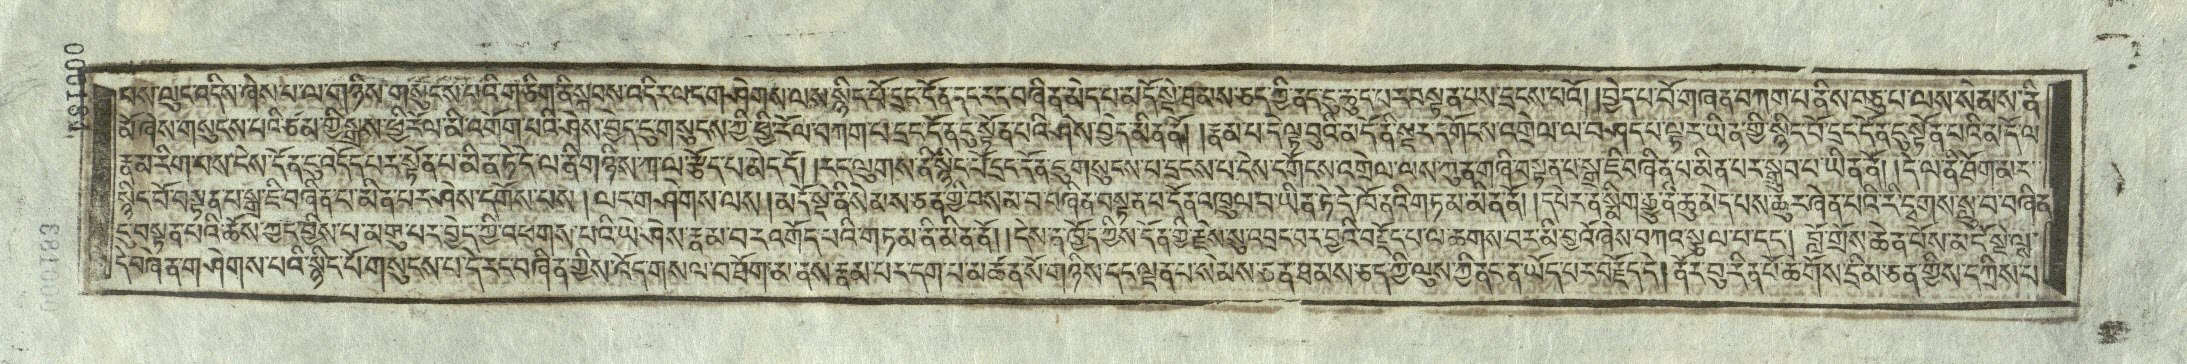པས་ལུང་འདིས་ཞེས་པ་ལ་གཉིས་གསུངས་པའི་གཅིག་ནི་སྐབས་འདིར་ལང་གཤེགས་ལས་སྙིང་པོ་དྲང་དོན་དང་རང་བཞིན་མེད་པ་མདོ་སྡེ་ཐམས་ཅད་ཀྱི་ནང་དུ་ཆུད་པར་བསྟན་པས་དྲངས་པའོ། །བྱེད་པ་པོ་གཞན་བཀག་པ་ནི་ས་བཅུ་པ་ལས་སེམས་ཙི་
མོ་ཞེས་གསུངས་པའི་ཙམ་གྱི་སྒྲས་ཕྱི་རོལ་མི་འགོག་པའི་ཤེས་བྱེད་དུ་གསུངས་ཀྱི་ཕྱི་རོལ་བཀག་པ་དྲང་དོན་དུ་སྟོན་པའི་ཤེས་བྱེད་མིན་ནོ། །རྣམ་པ་དེ་ལྟ་བུའི་མདོ་ནི་སྔར་དགོངས་འགྲེལ་ལ་བཤད་པ་ལྟར་ཡིན་གྱི་སྙིང་པོ་དྲང་དོན་དུ་སྟེན་པའི་མདོ་ལ་
རྣམ་རིག་པས་ངེས་དོན་དུ་འདོད་པར་སྟོན་པ་མིན་ཏེ་དེ་ལ་ནི་གཉིས་ཀ་ལ་རྩོད་པ་མེད་དོ། །རང་ལུགས་ནི་སྙིང་པོ་དྲང་དོན་དུ་གསུངས་པ་དྲངས་པ་དེས་དགོངས་འགྲེལ་ལས་ཀུན་གཞི་བསྟན་པ་སྒྲ་ཇི་བཞིན་པ་མིན་པར་སྒྲུབ་པ་ཡིན་ནོ། །དེ་ལ་ནི་ཐོག་མར་
སྙིང་པོ་བསྟན་པ་སྒྲ་ཇི་བཞིན་པ་མིན་པར་ཤེས་དགོས་པས། ལང་གཤེགས་ལས། མདོ་སྡེ་ནི་སེམས་ཅན་གྱི་བསམ་པ་བཞིན་བསྟན་པ་དོན་འཁྲུལ་བ་ཡིན་ཏེ་དེ་ཁོ་ནའི་གཏམ་མིན་ནོ། །དཔེར་ན་སྨིག་རྒྱུ་ནི་ཆུ་མེད་པས་ཆུར་ཞེན་པའི་རི་དྲགས་སླུ་བ་བཞིན་
དུ་བསྟན་པའི་ཆོས་ཀྱང་བྱིས་པ་མགུ་བར་བྱེད་ཀྱི་འཕགས་པའི་ཡེ་ཤེས་རྣམ་པར་འགོད་པའི་གཏམ་ནི་མིན་ནོ། །དེས་ན་ཁྱོད་ཀྱིས་དོན་གྱི་རྗེས་སུ་འབྲང་བར་བྱའི་བརྗོད་པ་ལ་ཆགས་པར་མི་བྱའོ་ཞེས་བཀའ་སྩལ་པ་དང་། བློ་གྲོས་ཆེན་པོས་མདོ་སྡེ་ལས་
དེ་བཞིན་གཤེགས་པའི་སྙིང་པོ་གསུངས་པ་དེ་རང་བཞིན་གྱིས་འོད་གསལ་བ་ཐོག་མ་ནས་རྣམ་པར་དག་པ་མཚན་སོ་གཉིས་དང་ལྡན་པ་སེམས་ཅན་ཐམས་ཅད་ཀྱི་ལུས་ཀྱི་ནང་ན་ཡོད་པར་བརྗོད་དེ། ནོར་བུ་རིན་པོ་ཆེ་གོས་དྲི་མ་ཅན་གྱིས་དཀྲིས་པ་